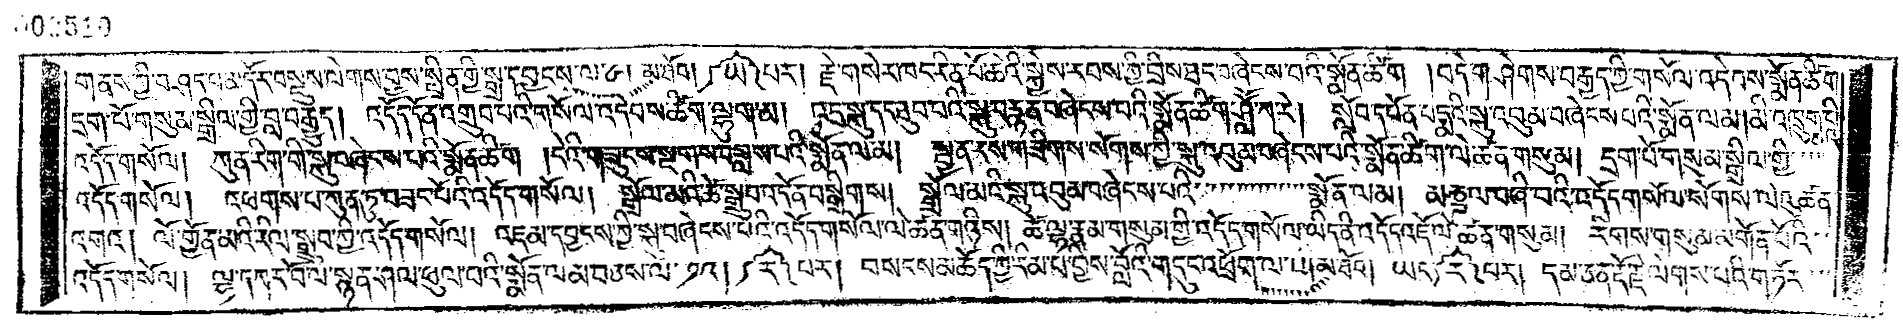གནས་ཀྱི་བཤད་པ་མདོར་བསྡུས་ལེགས་བྱས་སྤྲིན་གྱི་སྒྲ་དབྱངས་མ་ཐོབ།  ༼ཡ༽ པར། རྗེ་གསེར་ཁང་རིན་པོ་ཆེའི་སྐྱེས་རབས་ཀྱི་བྲིས་ཐང་བཞེངས་བའི་སྨོན་ཚིག །བདེ་གཤེགས་བརྒྱད་ཀྱི་གསོལ་འདེབས་སྨོན་ཚིག་
དྲག་པོ་གསུམ་སྒྲིལ་གྱི་བླ་བརྒྱུད། འདོད་དོན་འགྲུབ་པའི་གསོལ་འདེབས་ཚིག་ལྷུག་མ། འདྲ་སྐུ་དང་ཐུབ་པའི་སྐུ་བརྙན་བཞེངས་པའི་སྨོན་ཚིག་ཤླཽཀ་རེ། སློབ་དཔོན་པདམའི་སྐུ་འབུམ་བཞེངས་པའི་སྨོན་ལམ། མི་འཁྲུངས་པའི་
འདོད་གསོལ། ཀུན་རིག་གི་སྐུ་བཞེངས་པའི་སྨོན་ཚིག །དེའི་གཟུངས་སྔགས་བཟླས་པའི་སྨོན་ལམ། སྤྱན་རས་གཟིགས་སོགས་ཀྱི་སྐུ་འབུམ་བཞེངས་པའི་སྨོན་ཚིག་ལེ་ཚན་གསུམ། དྲག་པོ་གསུམ་སྒྲིལ་གྱི་
འདོད་གསོལ། འཕགས་པ་ཀུན་ཏུ་བཟང་པོའོ་འདོད་གསོལ། སྒྲོལ་མའི་ཚེ་སྒྲུབ་འདོན་བསྒྲིགས། སྒྲོལ་མའི་སྐུ་འབུམ་བཞེངས་པའི་སྨོན་ལམ། མཎྜལ་བཞི་བའི་འདོད་གསོལ་སོགས་ལེའུ་ཚན་
འགའ། ལོ་གྱོན་མའི་རིལ་སྒྲུབ་ཀྱི་འདོད་གསོལ། འཇམ་དབྱངས་ཀྱི་སྐུ་བཞེངས་པའི་འདོད་གསོལ་ལེ་ཚན་གཉིས། ཚེ་ལྷ་རྣམ་གསུམ་གྱི་འདོད་གསོལ་ཡིད་ནི་འདོད་འཇོ་ལེ་ཚན་གསུམ། རིགས་གསུམ་མགོན་པོའི་
འདོད་གསོལ། ལྷ་དཀར་བོ་ལ་སྙན་ཤལ་ཕུལ་བའི་སྨོན་ལམ་བཅས་ལ ༡༢། ༼ར༽ པར། བསངས་མཆོད་ཀྱི་རིམ་པ་བྱིས་བློའི་གདུང་འཕྲོག་མ་ཐོབ།  ཡང ༼ར༽ པར། དམ་ཅན་རྡོ་རྗེ་ལེགས་པའི་གཏོར་